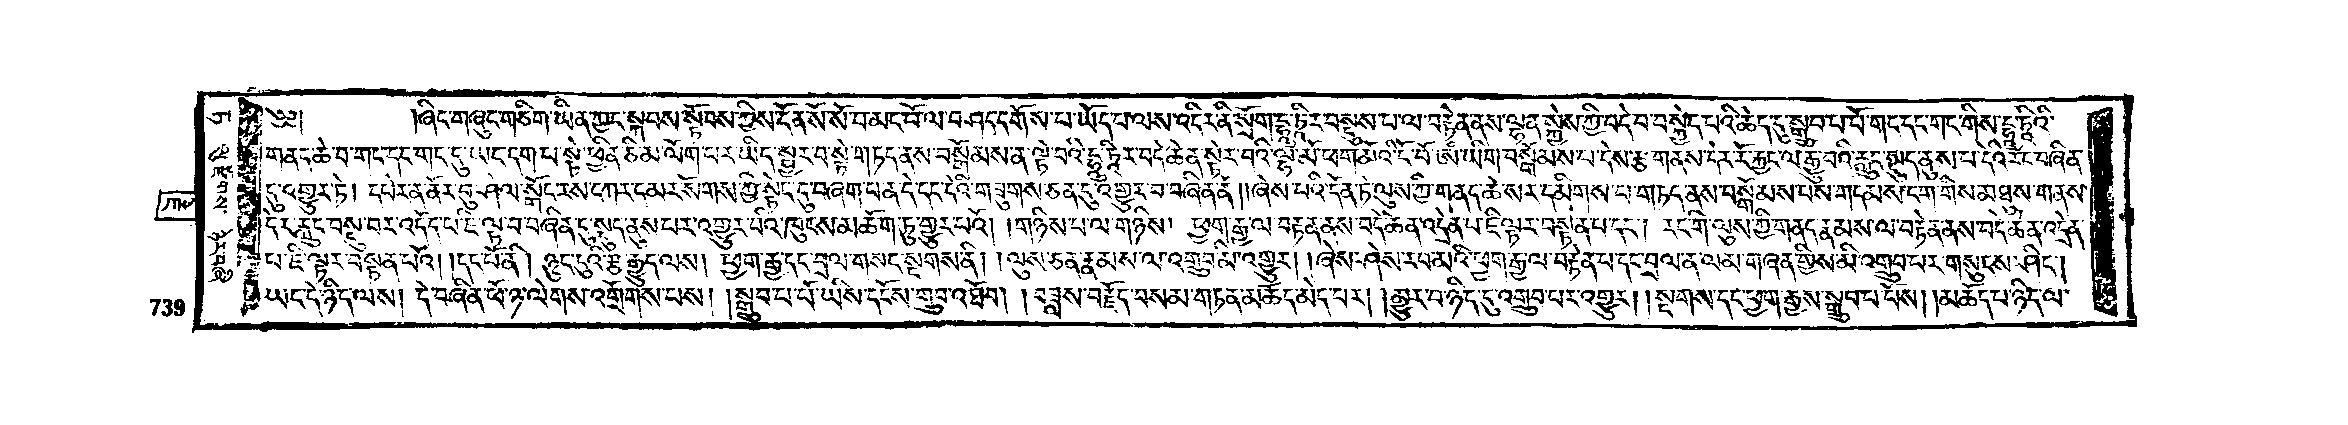༄༅། །ཞིང་གཞུང་གཅིག་ཡིན་ཀྱང་སྐབས་སྟོབས་ཀྱིས་དོན་སོ་སོ་བ་མང་པོ་ལ་བཤད་དགོས་པ་ཡོད་པ་ལས་འདིར་ནི་སྲོག་དྷཱུ་ཏཱིར་བསྡུས་པ་ལ་བརྟེན་ནས་ལྷན་སྐྱེས་ཀྱི་བདེ་བ་བསྐྱེད་པའི་ཆེད་དུ་སྒྲུབ་པ་པོ་གང་དང་གང་གིས་དྷཱུ་ཏཱིའར་
གནད་ཆེ་བ་གང་དང་གང་དུ་ཡང་དག་པ་སྟེ་ཕྱིན་ཅི་མ་ལོག་པར་ཡིད་སྦྱར་བ་སྟེ་གཏད་ནས་བསྒོམས་ན་ལྟེ་བའི་དྷཱུ་ཏཱིར་བདེ་ཆེན་སྟེར་བའི་ལྷ་མོ་ཕག་མོའི་ངོ་བོ་ཨཾ་ཡིག་བསྒོམས་པ་དེས་རྩ་གནས་དེར་རོ་རྐྱང་ལ་རྒྱུ་བའི་རླུང་སྡུད་ནུས་པ་དེའི་རང་བཞིན་
དུ་འགྱུར་ཏེ། དཔེར་ན་ནོར་བུ་ཤེལ་སྒོང་རས་དཀར་དམར་སོགས་ཀྱི་སྟེང་དུ་བཞག་པ་ན་དེ་དང་དེའི་གཟུགས་ཅན་དུ་འགྱུར་བ་བཞིན་ནོ། །ཞེས་པའི་དོན་ཏེ་ལུས་ཀྱི་གནད་ཆེ་སར་དམིགས་པ་གཏད་ནས་བསྒོམས་པས་གདམས་ངག་གིས་མཐུས་གནས་
དེར་རླུང་བསྡུ་བར་འདོད་པ་ཇི་ལྟ་བ་བཞིན་དུ་སྡུད་ནུས་པར་འགྱུར་བའི་ཁུངས་མཆོག་ཏུ་གྱུར་པའོ། །གཉིས་པ་ལ་གཉིས། ཕྱག་རྒྱ་ལ་བརྟེན་ནས་བདེ་ཆེན་འདྲེན་པ་ཇི་ལྟར་བསྟན་པ་དང་། རང་གི་ལུས་ཀྱི་གནད་རྣམས་ལ་བརྟེན་ནས་བདེ་ཆེན་འདྲེན་
པ་ཇི་ལྟར་བསྟན་པའོ། །དང་པོ་ནི། ཉུང་ངུའི་རྩ་རྒྱུད་ལས། ཕྱག་རྒྱ་དང་བྲལ་གསང་སྔགས་ནི། །ལུས་ཅན་རྣམས་ལ་འགྲུབ་མི་འགྱུར། །ཞེས་ཤེས་རབ་མའི་ཕྱག་རྒྱ་ལ་བརྟེན་པ་དང་བྲལ་ན་ལམ་གཞན་གྱིས་མི་འགྲུབ་པར་གསུངས་ཤིང་།
ཡང་དེ་ཉིད་ལས། དེ་བཞིན་ཕོ་ཉ་ལེགས་འགྲོགས་པས། །སྒྲུབ་པ་པོ་ཡིས་དངོས་གྲུབ་འཐོབ། །བཟླས་བརྗོད་བསམ་གཏན་མཆོད་མེད་པར། །མྱུར་བ་ཉིད་དུ་འགྲུབ་པར་འགྱུར། །སྔགས་དང་ཕྱག་རྒྱས་སྒྲུབ་པ་པོས། །མཆོད་པ་ཉིད་ལ་